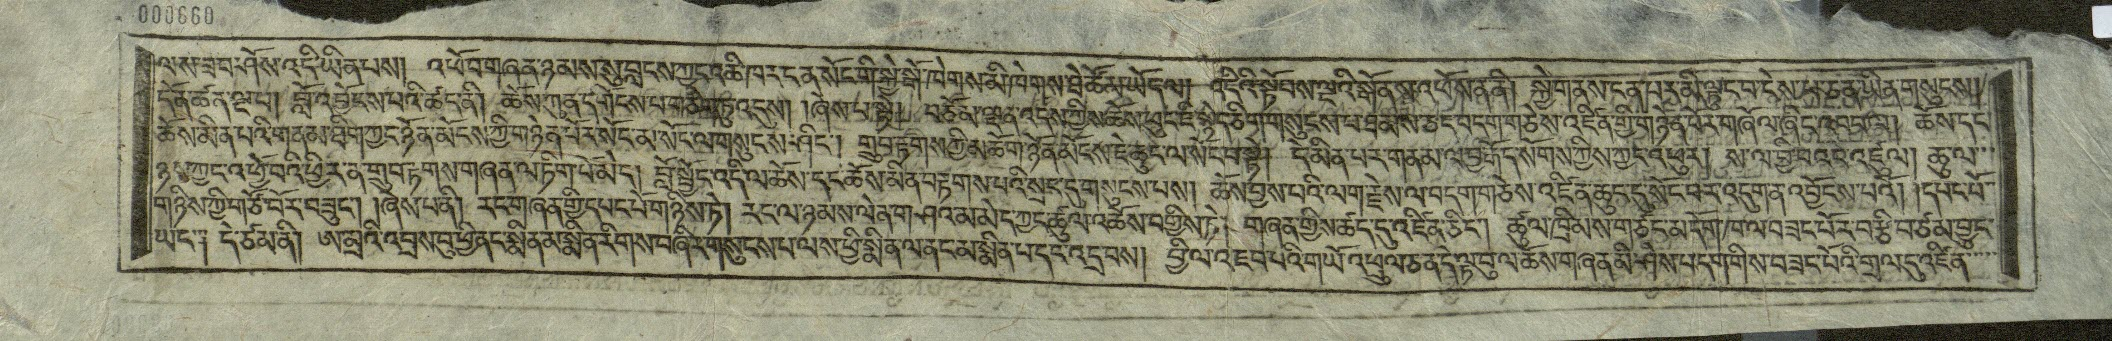ལས་ཟབ་ཤོས་འདི་ཡིན་པས། འཕོ་བ་གཞན་ཉམས་སུ་བླངས་ཀྱང་འཆི་ཁར་ངན་སོང་གི་སྐྱེ་སྒོ་ཁེགས་མི་ཁེགས་ཐེ་ཚོམ་ཡོད་ལ། འདིའི་སྟོབས་ལྔའི་སྒོ་ནས་འཕོས་ན་ནི། སྐྱེ་གནས་ངན་པར་མི་ལྟུང་བ་ངེས་པ་ཅན་ཡིན་གསུངས།
དོན་ཚན་ལྔ་པ། བློ་འབྱོངས་པའི་ཚད་ནི། ཆོས་ཀུན་དགོངས་པ་གཅིག་ཏུ་འདུས། །ཞེས་པ་སྟེ། བཅོམ་ལྡན་འདས་ཀྱིས་ཆོས་ཕུང་ཇི་སྙེད་ཅིག་གསུངས་པ་ཐམས་ཅད་བདག་གཅེས་འཛིན་གྱི་གཉེན་པོར་གཞོལ་ཞིང་འབབ་ལ། ཆོས་དང་
ཆོས་མིན་པའི་གནམ་ཐིག་ཀྱང་ཉོན་མོངས་ཀྱི་གཉེན་པོར་སོང་མ་སོང་ལ་གསུངས་ཤིང་། གྲུབ་རྟགས་ཀྱི་མཆོག་ཉོན་མོངས་ཇེ་ཆུང་ལ་སོང་བ་སྟེ། དེ་མིན་པར་གནམ་ལ་བྱ་རྒོད་སོགས་ཀྱིས་ཀྱང་འཕུར། ས་ལ་བྱི་བའང་འཛུལ། ཆུ་ལ་
ཉས་ཀྱང་འཕྱོ་བའི་ཕྱིར་ན་གྲུབ་རྟགས་གཞན་ལ་ཏིག་པོ་མེད། བློ་སྦྱོང་འདི་ལ་ཆོས་དང་ཆོས་མིན་བརྟགས་པའི་སྲང་དུ་གསུངས་པས། ཆོས་བྱས་པའི་ལག་རྗེས་ལ་བདག་གཅེས་འཛིན་ཆུང་དུ་སོང་བར་འདུག་ན་འབྱོངས་པའོ། །དཔང་པོ་
གཉིས་ཀྱི་གཙོ་བོར་བཟུང་། །ཞེས་པ་ནི། རང་གཞན་གྱི་དཔང་པོ་གཉིས་ཏེ། རང་ལ་ཉམས་ལེན་གཤའ་མ་མེད་ཀྱང་ཚུལ་འཆོས་བགྱིས་ཏེ། གཞན་གྱིས་ཚད་དུ་འཛིན་ཅིང་། ཚུལ་ཁྲིམས་གཙང་མདོག་ཁ་ལ་བཟང་པོར་བརྩི་བ་ཙམ་བྱུང་
ཡང༑ དེ་ཙམ་ནི། ཨ་མྲའི་འབྲས་བུ་ཕྱི་ནང་སྨིན་མ་སྨིན་རིགས་བཞིར་གསུངས་པ་ལས་ཕྱི་སྨིན་ལ་ནང་མ་སྨིན་པ་དང་འདྲ་བས། བྱི་ལ་འཇབ་པའི་གཡོ་འཕྲུལ་ཅན་དེ་ལྟ་བུ་ལ་ཆོས་གཞན་མི་ཤེས་པ་དག་གིས་བཟང་པོའི་གྲལ་དུ་འཛིན་